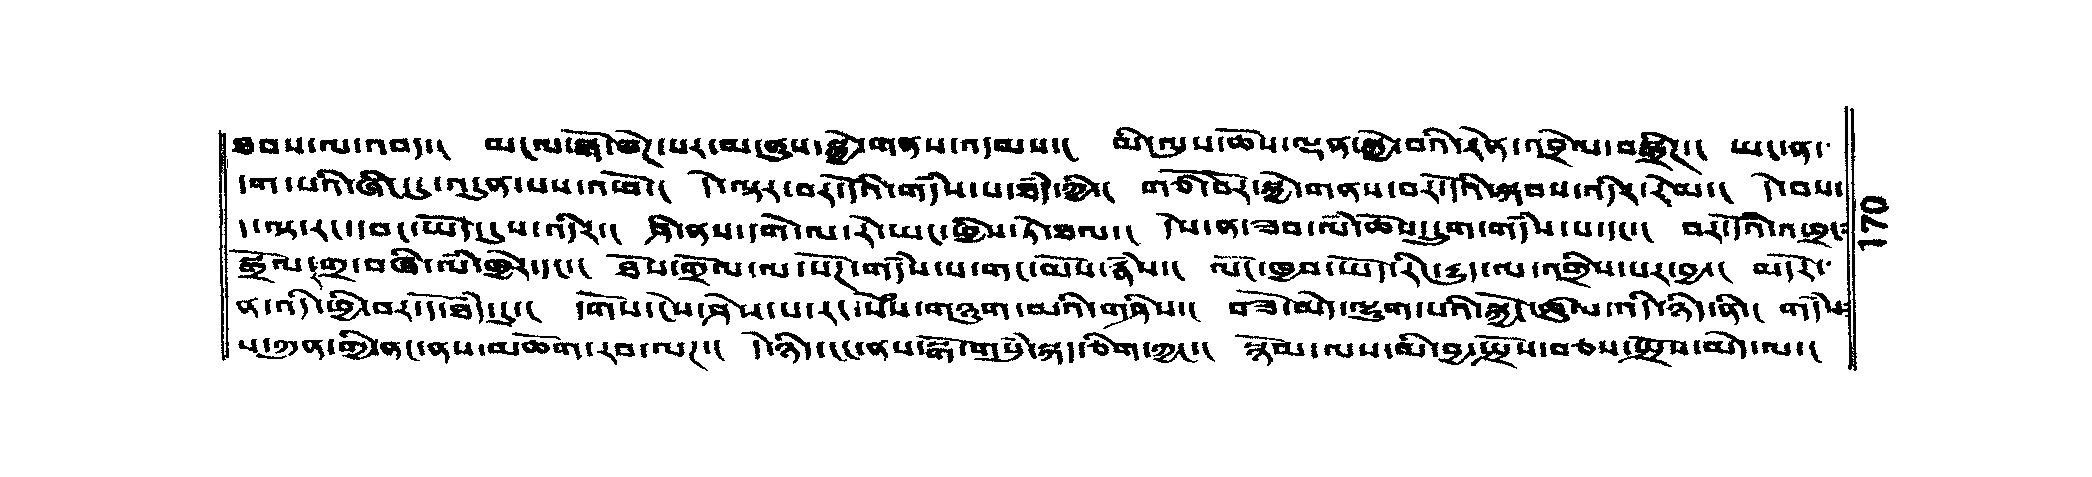ཐབས་ལ་འབད། །མངལ་སྒོ་ཁེགས་པར་མ་ནུས་སྐྱེ་གནས་འདམས། །མི་ལུས་ཆོས་ལྡན་སྐྱེ་བའི་རྟེན་འབྲེལ་བསྒྲིགས། །ཡང་ན་
དག་པའི་ཞིང་དུ་འདུན་པས་འཕོ། །དེ་ལྟར་བར་དོའི་གདམས་པ་ཐམས་ཅད་ཀྱི། །གཙོ་བོར་སྐྱེ་གནས་བར་དོའི་སྐབས་འདིར་རེམ། །དེ་བས་
ད་ལྟ་རང་དབང་ཡོད་དུས་འདིར། །ཤི་ནས་དགེ་ལ་རེ་ཡང་ཕྱིས་ཏེ་ཐལ། །དེས་ན་ཟབ་ལམ་ཆོས་དྲུག་གདམས་པ་དང་། །བར་དོའི་འཕྲང་
སྒྲོལ་སྒྲ་བཞི་ལམ་ཁྱེར་དང་། །ཐོས་གྲོལ་ལ་སོགས་གདམས་པ་གང་མོས་རྣམས། །ལོང་ཁྱབ་ཡོད་རིང་རྒྱུད་ལ་འདྲིས་པར་བྱ། །མདོར་
ན་འདི་ཕྱི་བར་དོ་ཐམས་ཅད་དུ། །དགོས་ངེས་ཤེས་པར་རང་སེམས་གཉུག་མའི་གཤིས། །བཟོ་མེད་ལྷུག་པའི་སྐྱོང་ཚུལ་འདི་ཉིད་ནི། །གདམས་
པ་ཀུན་གྱི་ནང་ནས་མཆོག་རབ་ལགས། །དེ་ཉིད་ངང་ནས་སྒོ་གསུམ་སྐད་ཅིག་ཀྱང་། །སྙོམ་ལས་མི་བྱ་སྤྲོས་བཅས་སྤྲོས་མེད་ལ།